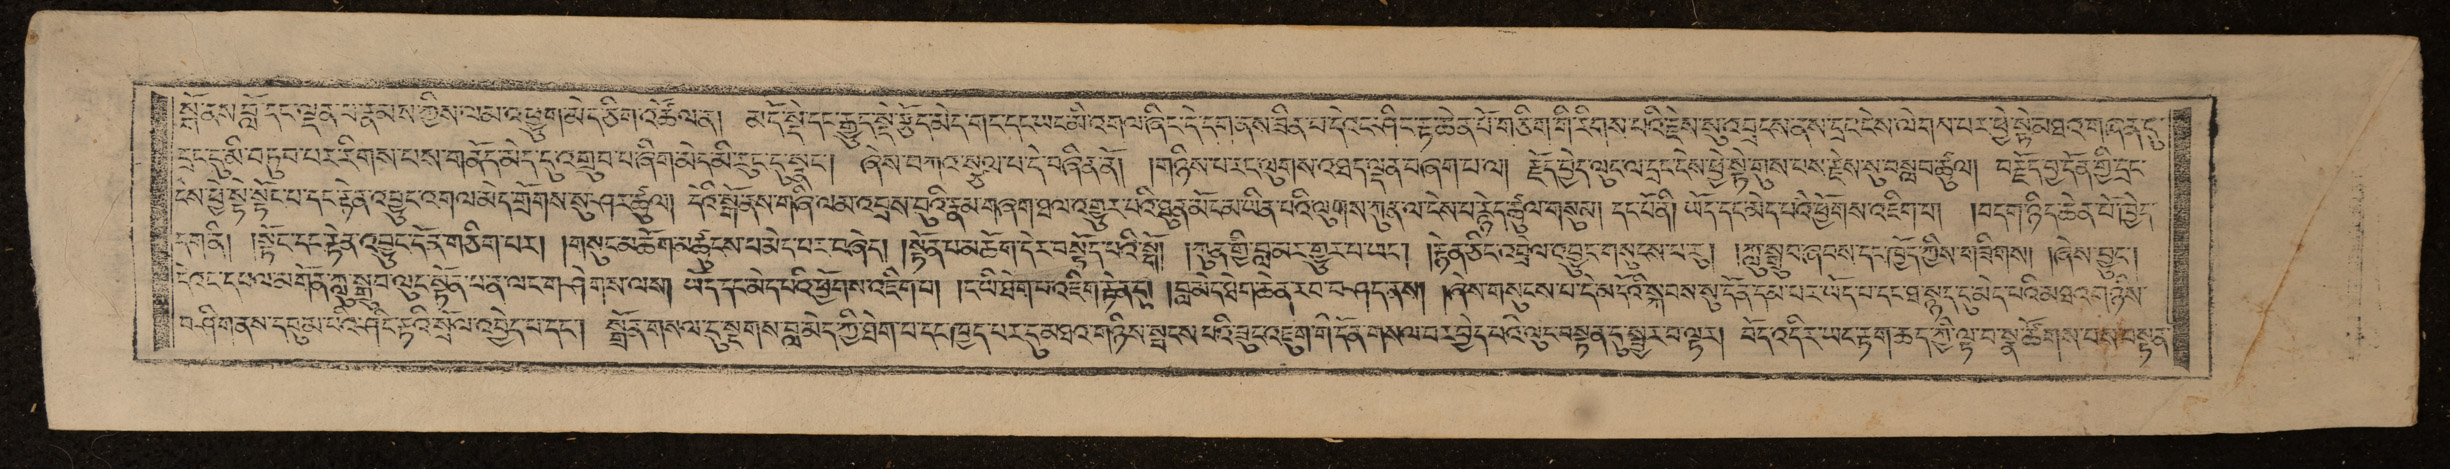སྒོ་ནས་བློ་དང་ལྡན་པ་རྣམས་ཀྱིས་ལམ་འཕྱུག་མེད་ཅིག་འཚོལ་ན། མདོ་སྡེ་དང་རྒྱུད་སྡེ་རྩོད་མེད་གང་དང་ཡང་མི་འགལ་ཞིང་དེ་དག་ནས་ཟིན་པ་དེའང་ཤིང་རྟ་ཆེན་པོ་གཅིག་གི་རིགས་པའི་རྗེས་སུ་འབྲངས་ནས་དྲང་ངེས་ལེགས་བར་ཕྱེ་སྟེ་མཐའ་གཞན་དུ་
དྲང་དུ་མི་བཏུབ་བར་རིགས་པས་གནོད་མེད་དུ་འགྲུབ་པ་ཞིག་མེད་མི་རུང་དུ་སྣང་། ཞེས་བཀའ་སྩལ་བ་དེ་བཞིན་ནོ། །གཉིས་བ་རང་ལུགས་འཐད་ལྡན་བཞག་པ་ལ། རྗོད་བྱེད་ལུང་ལ་དྲང་ངེས་ཕྱེ་སྟེ་གུས་བས་རྗེས་སུ་བསླབ་ཚུལ། བརྗོད་བྱ་དོན་བྱི་དྲང་
ངེས་ཕྱེ་སྟེ་སྟོང་པ་དང་རྟེན་འབྱུང་འགལ་མེད་གྲོགས་སུ་ཤར་ཚུལ། དེའི་སྒོ་ནས་གཞི་ལམ་འབྲས་བུའི་རྣམ་གཞག་ཐལ་འགྱུར་བའི་ཐུན་མོང་མ་ཡིན་བའི་ལུགས་ཀུན་ལ་ངེས་བ་རྙོད་ཚུལ་གསུམ། དང་པོ་ནི། ཡོད་དང་མེད་པའི་ཕྱོགས་འཇིག་པ། །བདག་ཉིད་ཆེན་པོ་ཁྱེད་
དག་ནི། །སྟོང་དང་རྟེན་འབྱུང་དོན་གཅིག་པར། །གསུང་མཆོག་མཚུངས་པ་མེད་པར་བཞེད། །སྟོན་པ་མཆོག་དེར་བསྟོད་པའི་སྒོ། །ཀུན་གྱི་བླ་མར་གྱུར་བ་ཡང་། །རྟེན་ཅིང་འབྲེལ་འབྱུང་གསུངས་པ་རུ། །ཀླུ་སྒྲུབ་ཞབས་དང་ཁྱོད་ཀྱིས་གཟིགས། །ཞེས་བྱུང་།
དེའང་དཔལ་མགོན་ཀླུ་སྒྲུབ་ལུང་སྟོན་པ་ན་ལང་གཤེགས་ལས། ཡོད་དང་མེད་པའི་ཕྱོགས་འཇིག་པ། །ང་ཡི་ཐེག་པ་འཇིག་རྟེན་དུ། །བླ་མེད་ཐེག་ཆེན་རབ་བཤད་ནས། །ཞེས་གསུངས་པ་དེ་མདོའི་སྐབས་སུ་དོན་དམ་པར་ཡོད་པ་དང་ཐ་སྙད་དུ་མེད་བའི་མཐའ་གཉིས་
བཤིག་ནས་དབུ་མ་བའི་ཤིང་རྟའི་སྲོལ་འབྱེད་པ་དང་། སྒྲོན་གསལ་དུ་སྔགས་བླ་མེད་ཀྱི་ཐེག་པ་དང་ཁྱད་པར་དུ་མཐའ་གཉིས་སྤངས་པའི་ཟུང་འཇུག་གི་དོན་གསལ་བར་བྱེད་བའི་ལུང་བསྟན་དུ་སྦྱར་བ་ལྟར། བོད་འདིར་ཡང་རྟག་ཆད་ཀྱི་ལྟ་བ་སྣ་ཚོགས་བས་བསྟན་